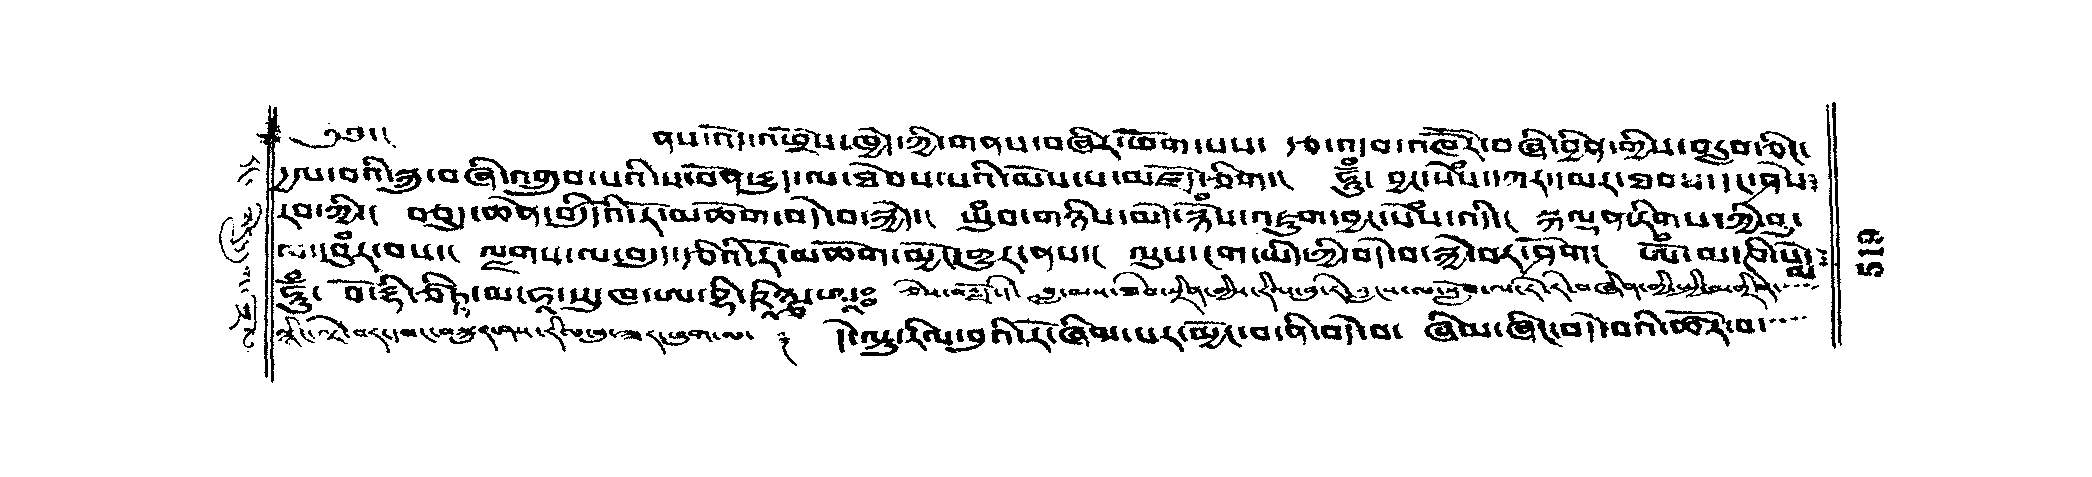ནས་འོད་འཕྲོས་ཁྱོད་ཀྱི་གནས་བཞིར་ཕོག་པས། རྩ་འདབ་འཁོར་ལོ་བཞི་བྱིན་གྱིས་བརླབ་ཅིང་
རྒྱལ་བའི་སྐུ་བཞི་འགྲུབ་པའི་ས་བོན་རྒྱུད་ལ་ཐེབས་པའི་མོས་པ་མཛོད་ཅིག ཧཱུྃ། བྱང་སེམས་དཀར་དམར་ཐབས་དང་ཤེས་
རབ་ཀྱི། །བཅུད་ཆེན་བདུད་རྩིའི་རོ་མཆོག་བདེ་བ་སྐྱེད། །ཡབ་ཡུམ་གཉིས་མེད་སྙོམས་འཇུག་བྱང་སེམས་འདི། །སྐལ་ལྡན་རིགས་ཀྱི་བུ་
ལ་དབང་བསྐུར་བས། །ལྗགས་ལ་བདུད་རྩིའི་རོ་མཆོག་མྱོང་གྱུར་ནས། །ལུས་ངག་ཡིད་ཀྱི་བདེ་བ་སྐྱེ་བར་ཤོག །ཨོཾ་མ་ཎི་པདྨེ་
ཧཱུྃ། བྷོ་དྷི་ཙིཏྟ་མ་ཧཱ་སུ་ཁ་ཨ་བྷི་རིའཉྩ་ཨཱཿ ཅེས་བརྗོད་དེ་བླ་མས་ཐེབ་སྲིན་གྱིས་རིལ་བུ་རེ་བླངས་ལ་སློབ་མ་རེ་རེ་བཞིན་གྱི་སྤྱི་མགྲིན་
སྙིང་ལྟེ་བར་དབང་བསྐུར་ནས་རིལ་བུ་ཟར་ཕགཅུག་ལ། དེ་ལྟ་བུ་རིལ་བུའི་རོ་ཞིམ་པར་མྱོང་བ་ནི་བདེ་བ། ཞིམ་ཞིང་བདེ་བའི་ཚོར་བ་